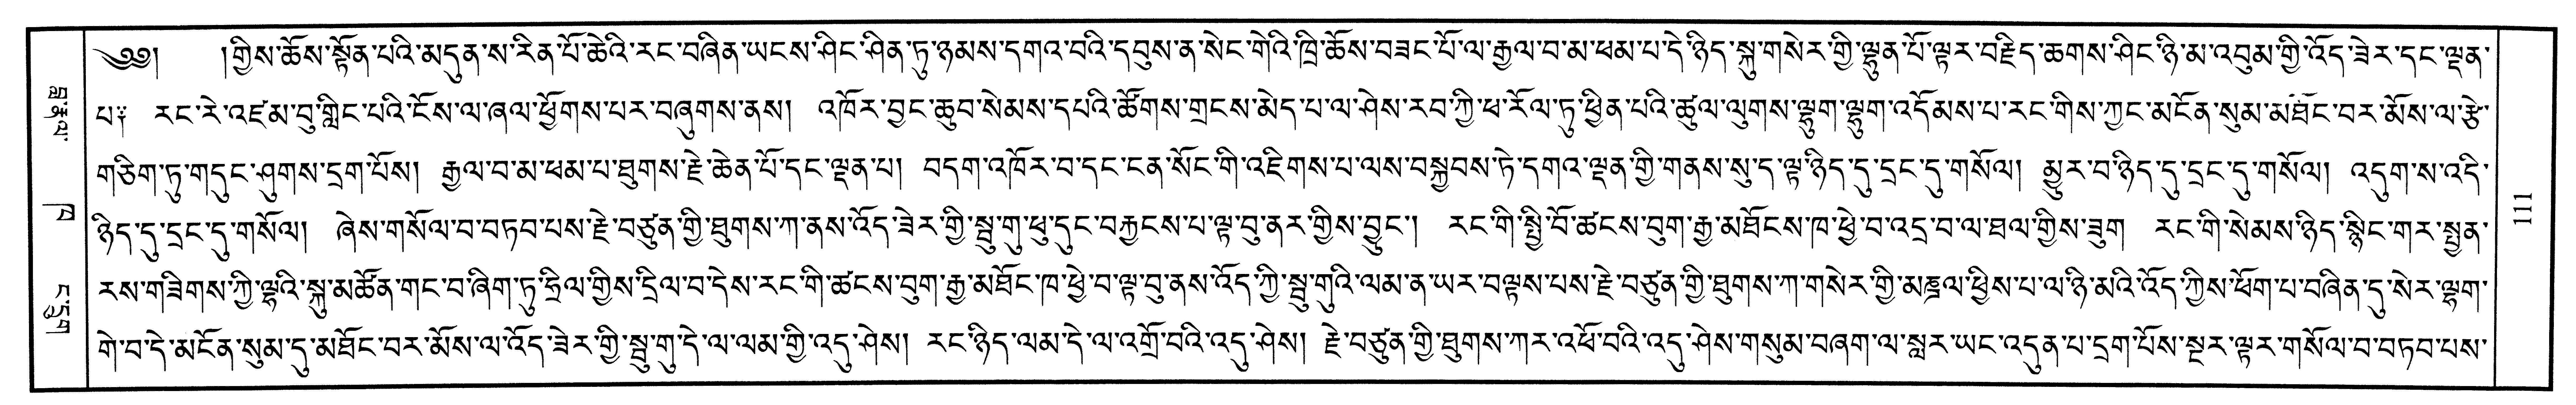༄༅། །གྱིས་ཆོས་སྟོན་པའི་མདུན་ས་རིན་པོ་ཆེའི་རང་བཞིན་ཡངས་ཤིང་ཤིན་ཏུ་ཉམས་དགའ་བའི་དབུས་ན་སེང་གེའི་ཁྲི་ཆོས་བཟང་པོ་ལ་རྒྱལ་བ་མ་ཕམ་པ་དེ་ཉིད་སྐུ་གསེར་གྱི་ལྷུན་པོ་ལྟར་བརྗིད་ཆགས་ཤིང་ཉི་མ་འབུམ་གྱི་འོད་ཟེར་དང་ལྡན་
པ༑ རང་རེ་འཛམ་བུ་གླིང་པའི་ངོས་ལ་ཞལ་ཕྱོགས་པར་བཞུགས་ནས། འཁོར་བྱང་ཆུབ་སེམས་དཔའི་ཚོགས་གྲངས་མེད་པ་ལ་ཤེས་རབ་ཀྱི་ཕ་རོལ་ཏུ་ཕྱིན་པའི་ཚུལ་ལུགས་ལྷུག་ལྷུག་འདོམས་པ་རང་གིས་ཀྱང་མངོན་སུམ་མཐོང་བར་མོས་ལ་རྩེ་
གཅིག་ཏུ་གདུང་ཤུགས་དྲག་པོས། རྒྱལ་བ་མ་ཕམ་པ་ཐུགས་རྗེ་ཆེན་པོ་དང་ལྡན་པ། བདག་འཁོར་བ་དང་ངན་སོང་གི་འཇིགས་པ་ལས་བསྐྱབས་ཏེ་དགའ་ལྡན་གྱི་གནས་སུ་ད་ལྟ་ཉིད་དུ་དྲང་དུ་གསོལ། མྱུར་བ་ཉིད་དུ་དྲང་དུ་གསོལ། འདུག་ས་འདི་
ཉིད་དུ་དྲང་དུ་གསོལ། ཞེས་གསོལ་བ་བཏབ་པས་རྗེ་བཙུན་གྱི་ཐུགས་ཀ་ནས་འོད་ཟེར་གྱི་སྦུ་གུ་ཕུ་དུང་བརྐྱངས་པ་ལྟ་བུ་ནར་གྱིས་བྱུང་། རང་གི་སྤྱི་བོ་ཚངས་བུག་རྒྱ་མཐོངས་ཁ་ཕྱེ་བ་འདྲ་བ་ལ་ཐལ་གྱིས་ཟུག །རང་གི་སེམས་ཉིད་སྙིང་གར་སྤྱན་
རས་གཟིགས་ཀྱི་ལྷའི་སྐུ་མཚོན་གང་བ་ཞིག་ཏུ་ཧྲིལ་གྱིས་དྲིལ་བ་དེས་རང་གི་ཚངས་བུག་རྒྱ་མཐོང་ཁ་ཕྱེ་བ་ལྟ་བུ་ནས་འོད་ཀྱི་སྦུ་གུའི་ལམ་ན་ཡར་བལྟས་པས་རྗེ་བཙུན་གྱི་ཐུགས་ཀ་གསེར་གྱི་མཎྜལ་ཕྱིས་པ་ལ་ཉི་མའི་འོད་ཀྱིས་ཕོག་པ་བཞིན་དུ་སེར་ལྷག་
གེ་བ་དེ་མངོན་སུམ་དུ་མཐོང་བར་མོས་ལ་འོད་ཟེར་གྱི་སྦུ་གུ་དེ་ལ་ལམ་གྱི་འདུ་ཤེས། རང་ཉིད་ལམ་དེ་ལ་འགྲོ་བའི་འདུ་ཤེས། རྗེ་བཙུན་གྱི་ཐུགས་ཀར་འཕོ་བའི་འདུ་ཤེས་གསུམ་བཞག་ལ་སླར་ཡང་འདུན་པ་དྲག་པོས་སྔར་ལྟར་གསོལ་བ་བཏབ་པས་